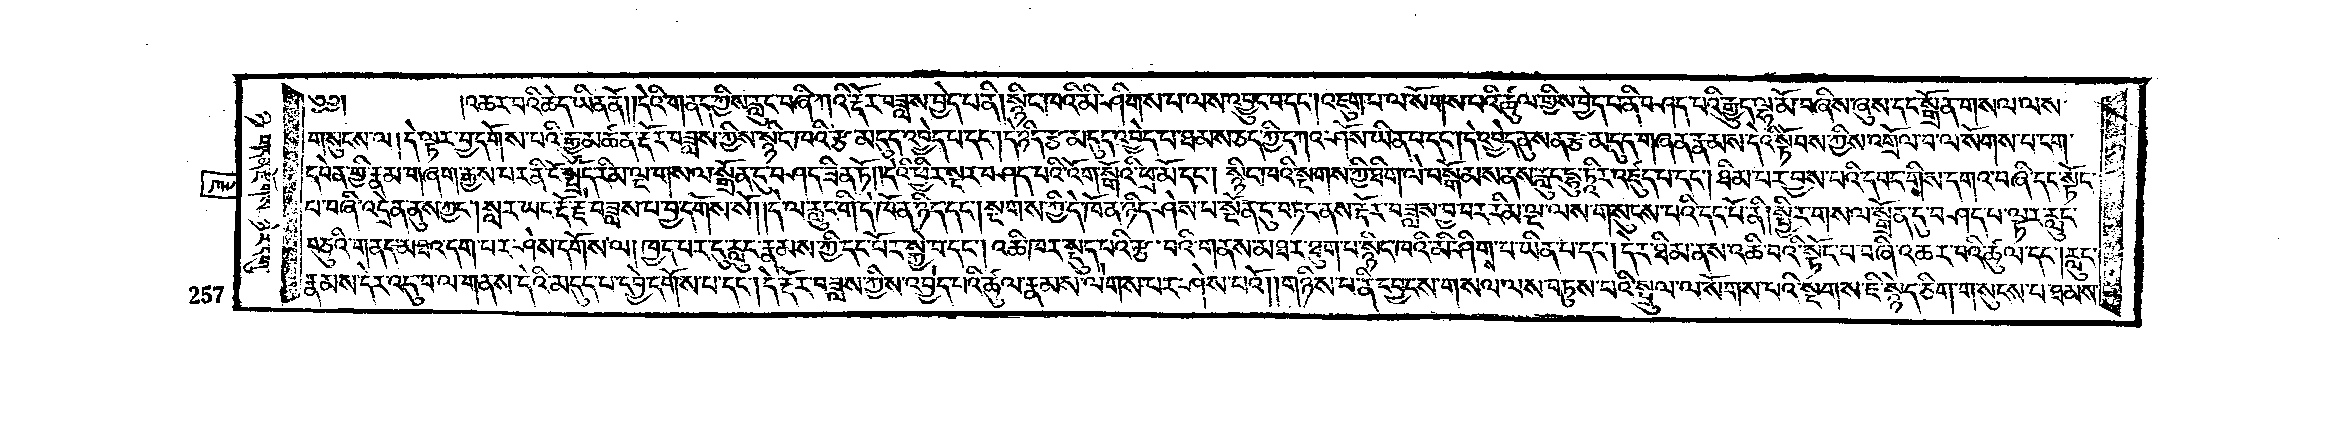༄༅། །འཆར་བའི་ཆེད་ཡིན་ནོ། །དེའི་གནད་ཀྱིས་རླུང་བཞི་ཀའི་རྡོར་བཟླས་བྱེད་པ་ནི། སྙིང་ཁའི་མི་ཤིགས་པ་ལས་འབྱུང་བ་དང་། འཇུག་པ་ལ་སོགས་པའི་ཚུལ་གྱིས་བྱེད་པ་ནི་བཤད་པའི་རྒྱུད་ལྷ་མོ་བཞིས་ཞུས་དང་སྒྲོན་གསལ་ལས་
གསུངས་ལ། དེ་ལྟར་བྱ་དགོས་པའི་རྒྱུ་མཚན་རྡོར་བཟླས་ཀྱིས་སྙིང་ཁའི་རྩ་མདུད་འབྱེད་པ་དང་། དེ་ཉིད་རྩ་མདུད་འབྱེད་པ་ཐམས་ཅད་ཀྱི་དཀའ་ཤོས་ཡིན་པ་དང་། དེ་འབྱེད་ནུས་ན་རྩ་མདུད་གཞན་རྣམས་དེའི་སྟོབས་ཀྱིས་འགྲོལ་བ་ལ་སོགས་པ་ངག་
དབེན་གྱི་རྣམ་གཞག་རྒྱས་པར་ནི་ངོ་སྤྲོད་རིམ་ལྔ་གསལ་སྒྲོན་དུ་བཤད་ཟིན་ཏོ། །དེའི་ཕྱིར་སྔར་བཤད་པའི་འོག་སྒོའི་ཕྲ་མོ་དང་། སྙིང་ཁའི་སྔགས་ཀྱི་ཐིག་ལེ་བསྒོམས་ནས་རླུང་དྷུ་ཏཱིར་འཛུད་པ་དང་། ཐིམ་པར་བྱས་པའི་དབང་གིས་དགའ་བཞི་དང་སྟོང་
པ་བཞི་འདྲེན་ནུས་ཀྱང་། སླར་ཡང་རྡོ་རྗེ་བཟླས་པ་བྱ་དགོས་སོ། །དེ་ལ་རླུང་གི་དེ་ཁོ་ན་ཉིད་དང་། སྔགས་ཀྱི་དེ་ཁོ་ན་ཉིད་ཤེས་པ་སྔོན་དུ་བཏང་ནས་རྡོར་བཟླས་བྱ་བར་རིམ་ལྔ་ལས་གསུངས་པའི་དང་པོ་ནི། སྤྱིར་གསལ་སྒྲོན་དུ་བཤད་པ་ལྟར་རླུང་
བཅུའི་གནད་མཐའ་དག་པར་ཤེས་དགོས་ལ། ཁྱད་པར་དུ་རླུང་རྣམས་ཀྱི་དང་པོར་སྐྱེ་བ་དང་། འཆི་ཁར་སྡུད་པའི་རྩ་བའི་གནས་མཐར་ཐུག་པ་སྙིང་ཁའི་མི་ཤིགས་པ་ཡིན་པ་དང་། དེར་ཐིམ་ནས་འཆི་བའི་སྟོང་པ་བཞི་འཆར་བའི་ཚུལ་དང་། རླུང་
རྣམས་དེར་འདུ་བ་ལ་གནས་དེའི་མདུད་པ་དབྱེ་དགོས་པ་དང་། དེ་རྡོར་བཟླས་ཀྱིས་འབྱེད་པའི་ཚུལ་རྣམས་ལེགས་པར་ཤེས་པའོ། །གཉིས་པ་ནི་དབྱངས་གསལ་ལས་བཏུས་པའི་སྤྲུལ་ལ་སོགས་པའི་སྔགས་ཇི་སྙེད་ཅིག་གསུངས་པ་ཐམས་